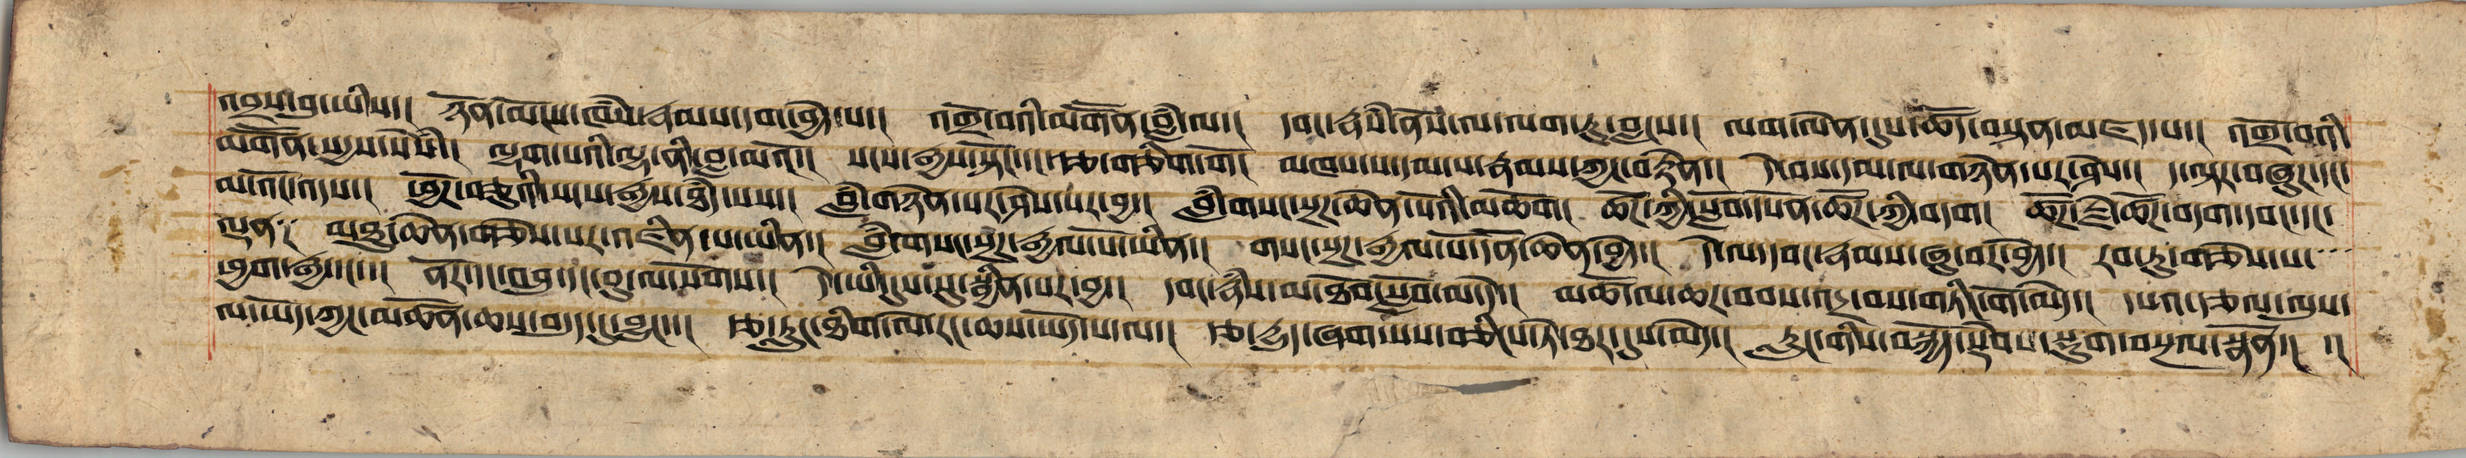འབྲས་བུ་ཡིས་། ཉོན་མོངས་ཁཾས་རྣམས་དག་བྱེད་པ་། འགྲོ་བའི་མགཽན་བླཾ་ལ་། དབང་རྣཾས་ནོས་ལ་ལག་ཏུ་བླངས་། ལག་ལེན་དུས་ཚོད་བསྟན་མཛད་པ་། འགྲོ་བའི་
མགཽན་སདྱས་སེཾས་། ལྷག་པའི་ལྷ་ནི་བླ་མའོ་། སངས་རྒྱས་སྟོང་དང་རྩ་གཅིག་གོ། མཁས་པ་དམ་པ་རྣམས་ཀྱང་བརྟེན་། དེ་བས་དམ་ལ་གཉེན་པར་ཤེས་། ད་ལྟར་བཞུཌ་དང་
མ་འོང་འདས་། ཕྱོཌ་བཅུའི་སངས་རྒྱས་ཐདཾ་པས་། བླཾ་གཉེན་པར་ཤེས་པར་བྱ་། བླཾ་གསང་སྔཌ་ཆེན་པོའི་མཆོག། ཚོཌ་ཀྱི་སློབ་དཔོན་ཚོཌ་ཀྱི་བདག། ཚོཌ་རྗེ་ཚོཌ་བདག་དབང་དང་
ལྡན༑ མཐུ་ཆེན་གཅེས་པར་འཛིན་པ་ཡིན་། བླཾ་གསང་སྔཾཌ་རྒྱལ་པོ་ཡིན་། གསང་སྔཌ་རྒྱལ་པོ་དོན་ཆེན་བྱེད་། དེ་ལ་དབང་རྣམས་ཞུ་བར་བྱེད་། རབ་ཏུ་གཅེས་པ་
ཕྱག་རྒྱ་དང་་། ནོར་དང་འབྲུ་དང་བུ་ལངསོགས་། དེ་ཡི་དུས་སུ་སྦྱིན་པར་བྱ་། དབང་རྣཾས་མ་ཐོབ་སློབ་མ་དེ་། མཚོ་ལ་ཆཌ་བབས་འདྲ་བས་གཏིང་གོ་མེད་། དཔའ་རྩལ་ལུས་
ལ་ཡོད་ཀྱང་མཚོན་ཆས་བདུད་དུ་བྱུང་་། རྩ་རླུང་ཐིག་ལེ་རང་ཆས་ཡོད་པ་ལ་། རྩ་དྱུད་ཞགས་པས་བཅིངས་ཏེ་ཐར་དུས་མེད་། རླུང་གིས་བསྐྱོད་སྡེབས་སྡུག་བསྔལ་སྣོན་།